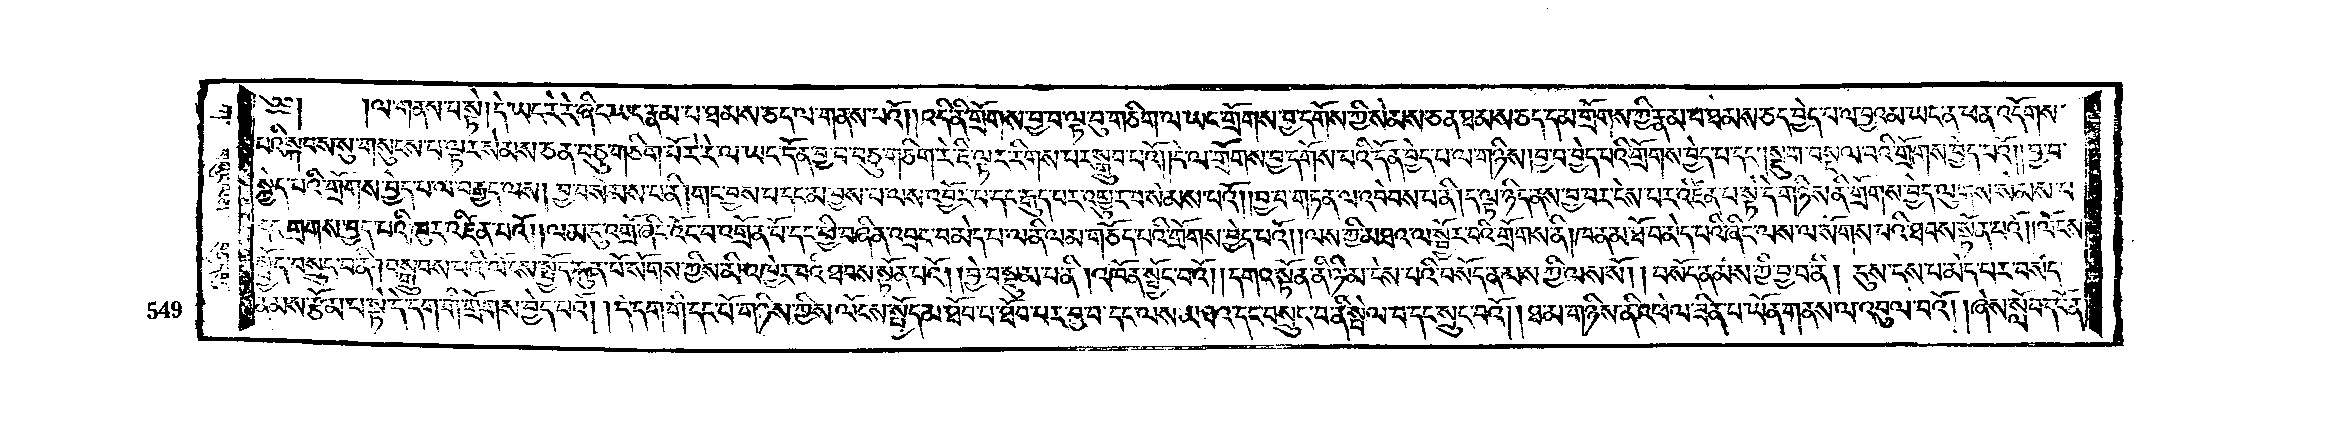༄༅། །ལ་གནས་པ་སྟེ། དེ་ཡང་རེ་རེ་ཞིང་ཡང་རྣམ་པ་ཐམས་ཅད་ལ་གནས་པའོ། །འདི་ནི་གྲོགས་བྱ་བ་ལྟ་བུ་གཅིག་ལ་ཡང་གྲོགས་བྱ་དགོས་ཀྱི་སེམས་ཅན་ཐམས་ཅད་དམ་གྲོགས་ཀྱི་རྣམ་པ་ཐམས་ཅད་བྱེད་པ་ལ་བྱའམ་ཡང་ན་ཕན་འདོགས་
པའི་སྐབས་སུ་གསུངས་པ་ལྟར་སེམས་ཅན་བཅུ་གཅིག་པོ་རེ་རེ་ལ་ཡང་དོན་བྱ་བ་བཅུ་གཅིག་རེ་ཇི་ལྟར་རིགས་པར་སྒྲུབ་པའོ། །དེ་ལ་གྲོགས་བྱ་དགོས་པའི་དོན་བྱེད་པ་ལ་གཉིས། བྱ་བ་བྱེད་པའི་གྲོགས་བྱེད་པ་དང་། སྡུག་བསྔལ་བའི་གྲོགས་བྱེད་པའོ། །བྱ་བ་
སྐྱེད་པའི་གྲོགས་བྱེད་པ་ལ་བརྒྱད་ལས། བྱ་བ་སེམས་པ་ནི། གང་བྱས་པ་དང་མ་བྱས་པ་ལས་འབྱོར་པ་དང་རྒུད་པར་འགྱུར་བ་སེམས་པའོ། །བྱ་བ་གཏན་ལ་འབེབས་པ་ནི། ད་ལྟ་ཉིད་ནས་བྱ་བར་ངེས་པར་འཛིན་པ་སྟེ་དེ་གཉིས་ནི་གྲོགས་བྱེད་ལུགས་སེམས་པ་
དང་གྲགས་བྱད་པའི་ཁུར་འཛིན་པའོ། །ལམ་དུ་འགྲོ་ཞིང་འོང་བ་འགྲོན་པོ་དང་ཕྱི་བཞིན་འབྲང་བ་མེད་པ་ལ་ནི་ལམ་གཅོད་པའི་གྲོགས་བྱེད་པའོ། །ལས་ཀྱི་མཐའ་ལ་སྦྱོར་བའི་གྲོགས་ནི། ཁ་ན་མ་ཐོ་བ་མེད་པའི་ཞིང་ལས་ལ་སོགས་པའི་ཐབས་སྟོན་པའོ། །ལོངས་
སྤྱོད་བསྲུང་བ་ནི། བསྒྲུབས་པའི་ལོངས་སྤྱོད་རྐུན་པོ་སོགས་ཀྱིས་མི་འཁྱེར་བའི་ཐབས་སྟོན་པའོ། །བྱེ་བ་སྡུམ་པ་ནི། འཁོན་སྤྱོང་བའོ། །དགའ་སྟོན་ནི་ཉི་མ་ངེས་པའི་བསོད་ནམས་ཀྱི་ལས་སོ། །བསོད་ནམས་ཀྱི་བྱ་བ་ནི། དུས་དས་པ་མེད་པར་བསོད་
ནམས་རྩོམ་པ་སྟེ་དེ་དག་གི་གྲོགས་བྱེད་པའོ། །དེ་དག་གི་དང་པོ་གཉིས་ཀྱིས་ལོངས་སྤྱོད་མ་ཐོབ་པ་ཐོབ་པར་བྱ་བ་དང་ལས་མཐའ་དང་བསྲུང་བ་ནི་སྦེལ་བ་དང་སྲུང་བའོ། །ཐ་མ་གཉིས་ནི་འཕེལ་ཟིན་པ་ཡོན་གནས་ལ་འབུལ་བའོ། །ཞེས་སློབ་དཔོན་